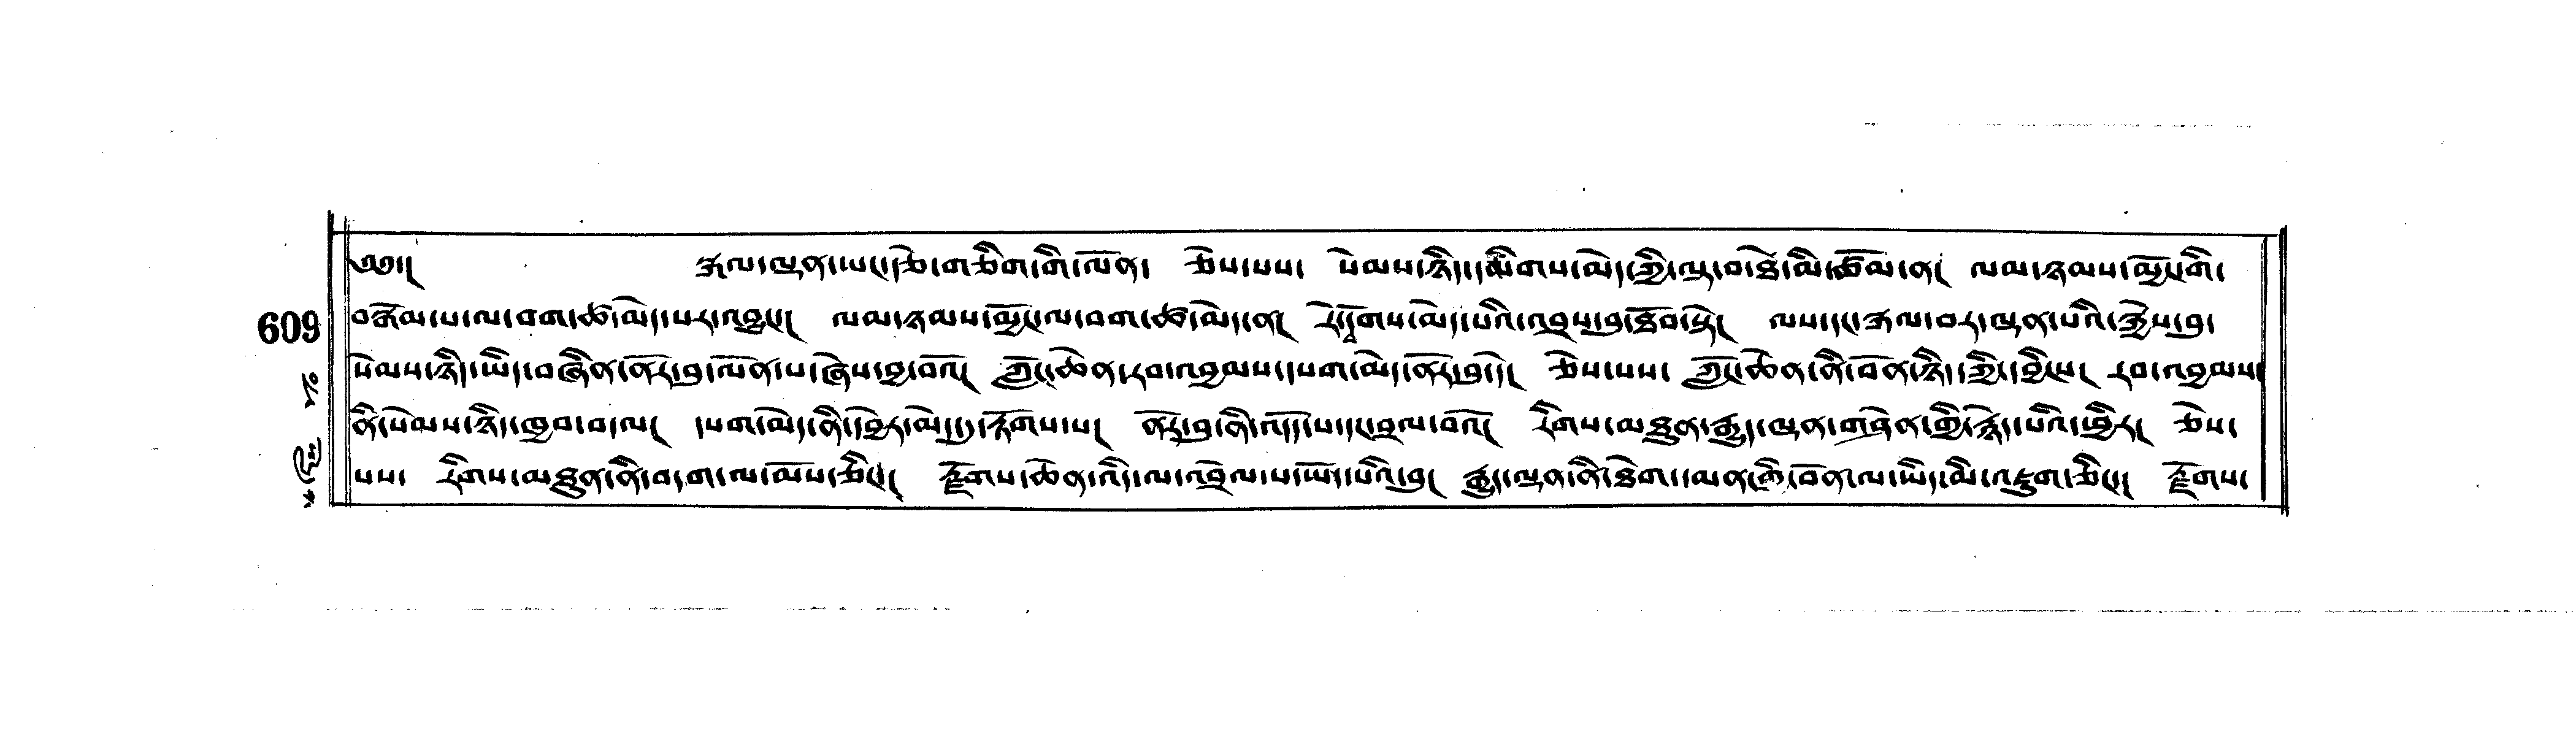སྐལ་ལྡན་ཡང་རྩེ་གཅིག་གིས་ལོན། ཅེས་པས། སེམས་ཉིད་དམིགས་མེད་ཀྱི་ལྟ་བ་ཐེ་མི་ཚོམ་ན། ལམ་ཉམས་མྱོང་གི་
སྒོམ་པ་ལ་བག་ཚ་མེད་པར་འབྱུང་། ལམ་ཉམས་མྱོང་ལ་བག་ཚ་མེད་ན་རེ་དྭོགས་མེད་པའི་འབྲས་བུ་ཐོབ་སྟེ། ལས་དང་སྐལ་པར་ལྡན་པའི་སྐྱེས་བུ་
སེམས་ཉིད་ཡིད་བཞིན་ནོར་བུ་ལོན་པ་ཞེས་བྱ་བའོ། ཀློང་ཆེན་རབ་འབྱམས་དཔག་མེད་ནོར་བུ་དེ། ཅེས་པས། ཀློང་ཆེན་ནི་བོན་ཉིད་ཀྱི་དབྱིངས། རབ་འབྱམས་
ནི་སེམས་ཉིད་ཁྱབ་བདལ། དཔག་མེད་ནི་དབྱེར་མེད་དུ་རྟོགས་པ། ནོར་བུ་ནི་འདོད་པ་དང་བྲལ་བའོ། རིགས་མཐུན་རྒྱུད་ལྡན་གཤེན་གྱིས་རྙེད་པའི་ཕྱིར། ཅེས་
པས། རིགས་མཐུན་ནི་བདག་ལ་མོས་ཅིང་། རྫོགས་ཆེན་འདི་ལ་འབྲེལ་བ་ཡོད་པའི་བུ། རྒྱུད་ལྡན་ནི་ཐེག་དམན་གྱི་བོན་ལ་ཡིད་མི་འཇུག་ཅིང་། རྫོགས་